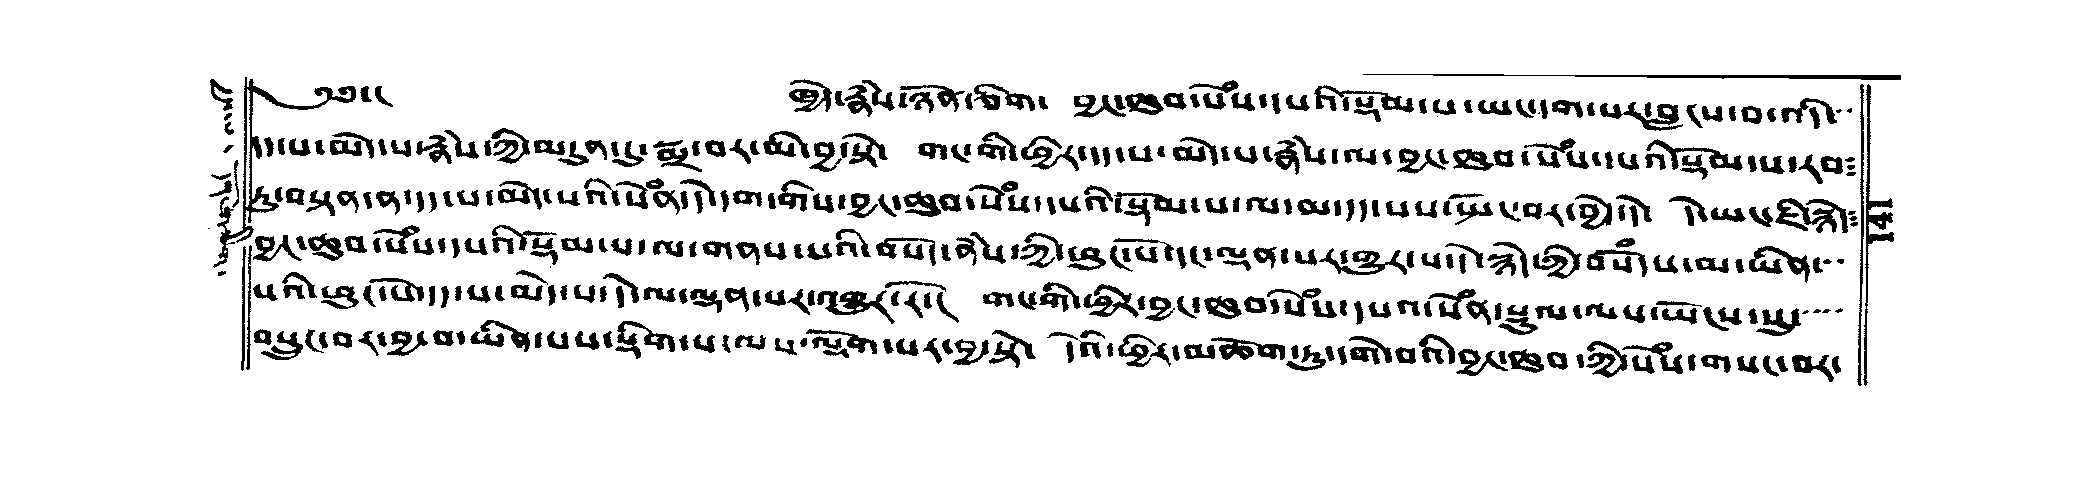ཁྱེད་རྣམས་ཉོན་ཅིག བྱང་ཆཡབ་སེམས་དཔའི་སྡོམ་པ་ཡང་དག་པར་བླངས་བ་འདི་
དད་པ་མེད་པ་རྣམས་ཀྱི་མདུན་དུ་སྨྲ་བར་མི་བྱ་སྟེ། གང་གི་ཕྱིར་དད་པ་མེད་པ་རྣམས་ལ་བྱང་ཆུབ་སེམས་དཔའི་སྡོམ་པ་རབ་
ཏུ་བསྟན་ན་དད་པ་མེད་པའི་སེམས་ཅན་དེ་དག་གིས་བྱང་ཆུབ་སེམས་དཔའི་སྡོམ་པ་ལ་མ་དད་པས་སྤོང་བར་བྱེད་དེ། དེ་ཡང་ཇི་སྙེད་
བྱང་ཆུབ་སེམས་དཔའི་སྡོམ་པ་ལ་གནས་པའི་བསོད་ནམས་ཀྱི་ཕུང་པོ་དང་ལྡན་པར་གྱུར་པ་དེ་སྙེད་ཀྱི་བསོད་ནམས་མ་ཡིན་
པའི་ཕུང་པོ་དད་པ་དེ་ལ་ལྡན་པར་གྱུར་རོ། གང་གི་ཕྱིར་བྱང་ཆུབ་སེམས་དཔའ་སེམས་ཅན་སྡུག་བསྔལ་ལས་ཡོངས་སུ་
བསྲུང་བར་བྱ་བ་ཡིན་པས་སྡིག་པ་ལས་ལྡོག་པར་བྱ་སྟེ། དེའི་ཕྱིར་མཆོག་ཏུ་དགེ་བའི་བྱང་ཆུབ་ཀྱི་སེམས་གསང་བར་